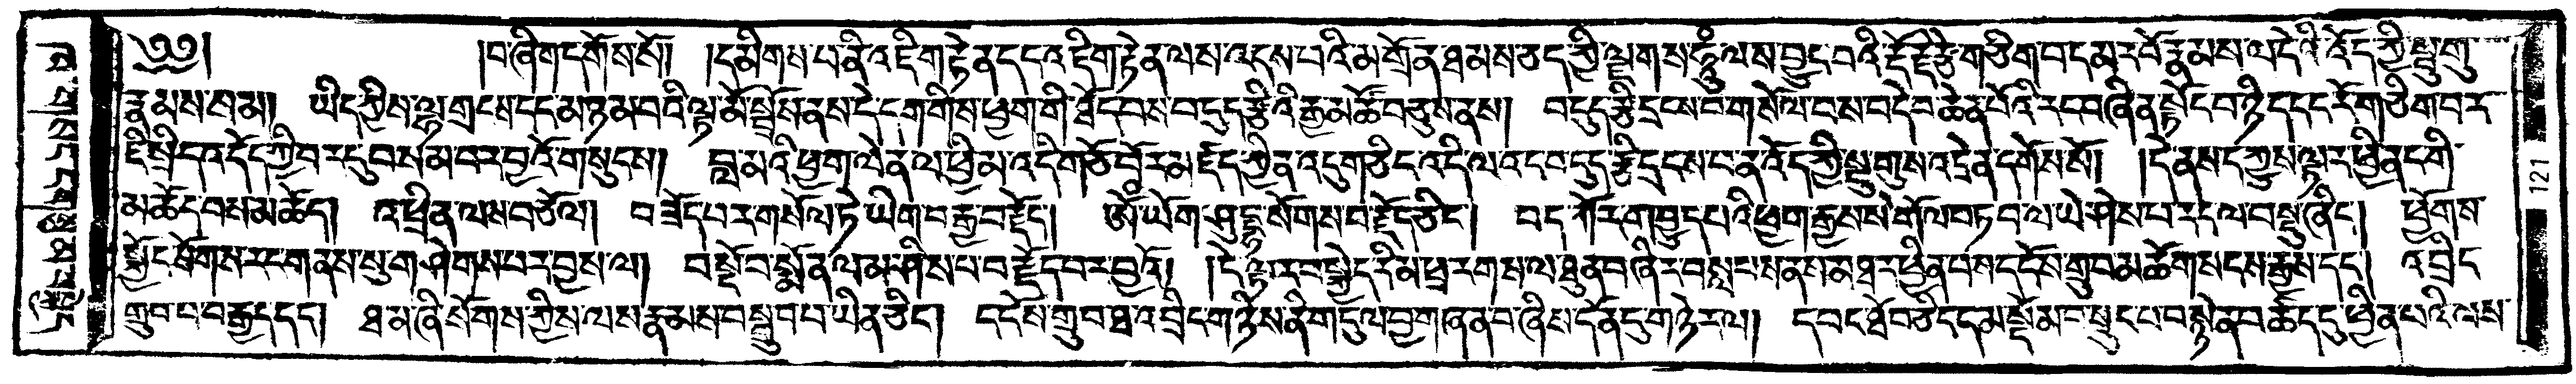༄༅། །བ་ཞིག་དགོས་སོ། །དམིགས་པ་ནི་འཇིག་རྟེན་དང་འཇིག་རྟེན་ལས་འདས་པའི་མགྲོན་ཐམས་ཅད་ཀྱི་ལྗགས་ཧཱུཾ་ལས་བྱུང་བའི་རྡོ་རྗེ་རྩེ་གཅིག་པ་དམར་པོ་རྣམས་ལ་དེའི་འོད་ཀྱི་སྤུ་གུ་
རྣམས་སམ། ཡིད་ཀྱིས་ལྷ་གྲངས་དང་མཉམ་བའི་ལྷ་མོ་སྤྲོས་ནས་དེ་དག་གིས་ཕྱག་གི་ཐོད་བས་བདུད་རྩིའི་རྒྱ་མཚོ་བཅུས་ནས། བདུད་རྩི་དྲངས་བ་གསོལ་བས་བདེ་བ་ཆེན་པོའི་རང་བཞིན་སྟོང་པ་ཉིད་དང་རོ་གཅིག་བར་
ཇི་སྲིད་འདོད་ཀྱི་བར་དུ་བསམ་པར་བྱའོ་གསུངས། བླ་མའི་ཕྱག་ལེན་ལ་ཕྱི་མ་འདི་གཙོ་བོར་མཛད་ཀྱིན་འདུག་ཅིང་འདི་ལའང་བདུད་རྩི་དྲངས་པ་ན་འོད་ཀྱི་སྡུ་གུས་འདྲེན་དགོས་སོ། །དེ་ནས་དཀྱུས་ལྟར་ཕྱི་ནང་གི་
མཆོད་བས་མཆོད། འཕྲིན་ལས་བཅོལ། བཟོད་པར་གསོལ་ཏེ་ཡིག་བརྒྱ་བརྗོད། ཨོཾ་ཡོག་ཤུདྡྷ་སོགས་བརྗོད་ཅིང་། པད་ཀོར་བ་ཁྱུད་པའི་ཕྱག་རྒྱས་སེ་གོལ་བཏབ་ལ་ཡེ་ཤེས་པ་རང་ལ་བསྡུ་ཞིང་། ཕྱོགས་
སྐྱོང་ཐོགས་རང་གནས་སུ་གཤེགས་པར་བྱས་ལ། བསྔོ་བ་སྨོན་ལམ་ཤིས་པ་བརྗོད་པར་བྱའོ། །དེ་ལྟར་བསྐྱེད་རིམ་ཕྲ་རགས་ལ་ཐུན་བཞིར་བསླབས་ནས་མཐར་ཕྱིན་བས་དངོས་གྲུབ་མཆོག་སངས་རྒྱས་དང་། འབྲིང་
གྲུབ་པ་བརྒྱད་དང་། ཐམ་ཞི་སོགས་ཀྱིས་ལས་རྣམས་བསྒྲུབ་པ་ཡིན་ཅིང་། དངོས་གྲུབ་ཐ་འབྲིང་གཉིས་ནི་གདུལ་བྱ་གཞན་བ་ཞིས་དོན་དུ་གཉེར་ལ། དབང་ཐོབ་ཅིང་དམ་སྡོམ་བསྲུང་བ་བསྙེན་པ་ཚད་དུ་ཕྱིན་པའི་ལས་